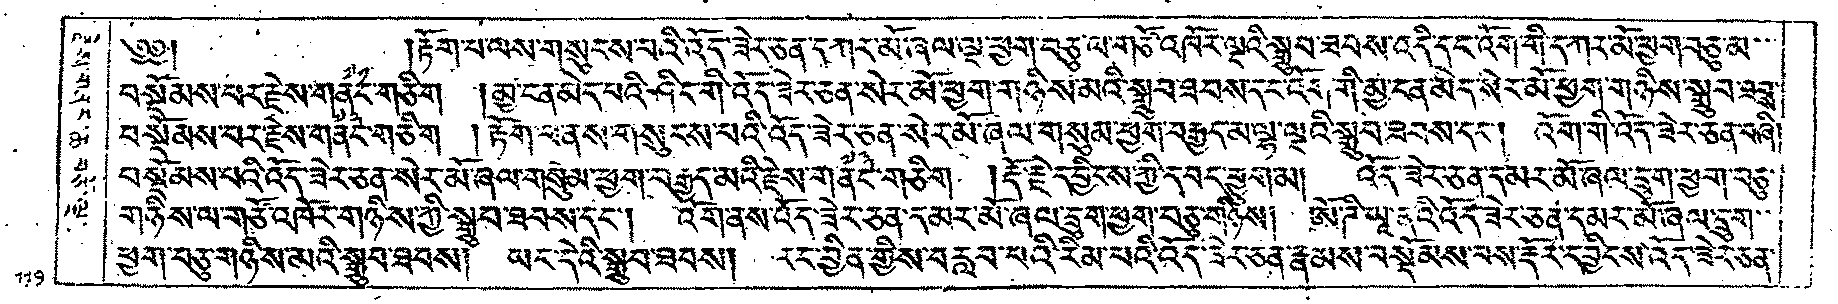༄༅། །རྟོག་པ་ལས་གསུངས་པའི་འོད་ཟེར་ཅན་དཀར་མོ་ཞལ་ལྔ་ཕྱག་བཅུ་ལ་གཙོ་འཁོར་ལྔའི་སྒྲུབ་ཐབས་འདི་དང་འོག་གི་དཀར་མོ་ཕྱག་བཅུ་མ་
བསྡོམས་པར་རྗེས་གནང ༧༡་གཅིག །མྱ་ངན་མེད་པའི་ཤིང་གི་འོད་ཟེར་ཅན་སེར་མོ་ཕྱག་གཉིས་མའི་སྒྲུབ་ཐབས་དང་འོག་གི་མྱ་ངན་མེད་སེར་མོ་ཕྱག་གཉིས་སྒྲུབ་ཐབས་
བསྡོམས་པར་རྗེས་གནང ༧༢་གཅིག །རྟོག་པ་ནས་གསུངས་པའི་འོད་ཟེར་ཅན་སེར་མོ་ཞལ་གསུམ་ཕྱག་བརྒྱད་མ་ལྷ་ལྔའི་སྒྲུབ་ཐབས་དང་། འོག་གི་འོད་ཟེར་ཅན་བཞི།
བསྡོམས་པའི་འོད་ཟེར་ཅན་སེར་མོ་ཞལ་གསུམ་ཕྱག་བརྒྱད་མའི་རྗེས་གནང ༧༣་གཅིག །རྡོ་རྗེ་དབྱིངས་ཀྱི་དབང་ཕྱུག་མ། འོད་ཟེར་ཅན་དམར་མོ་ཞལ་དྲུག་ཕྱག་བཅུ་
གཉིས་ལ་གཙོ་འཁོར་གཉིས་ཀྱི་སྒྲུབ་ཐབས་དང་། འོག་ནས་འོད་ཟེར་ཅན་དམར་མོ་ཞལ་དྲུག་ཕྱག་བཅུ་གཉིས། ཨོ་ཌི་ཡཱ་ནའི་འོད་ཟེར་ཅན་དམར་མོ་ཞལ་དྲུག་
ཕྱག་བཅུ་གཉིས་མའི་སྒྲུབ་ཐབས། ཡང་དེའི་སྒྲུབ་ཐབས། རང་བྱིན་གྱིས་བརླབ་པའི་རིམ་པའི་འོད་ཟེར་ཅན་རྣམས་བསྡོམས་པས་རྡོར་དབྱིངས་འོད་ཟེར་ཅན་